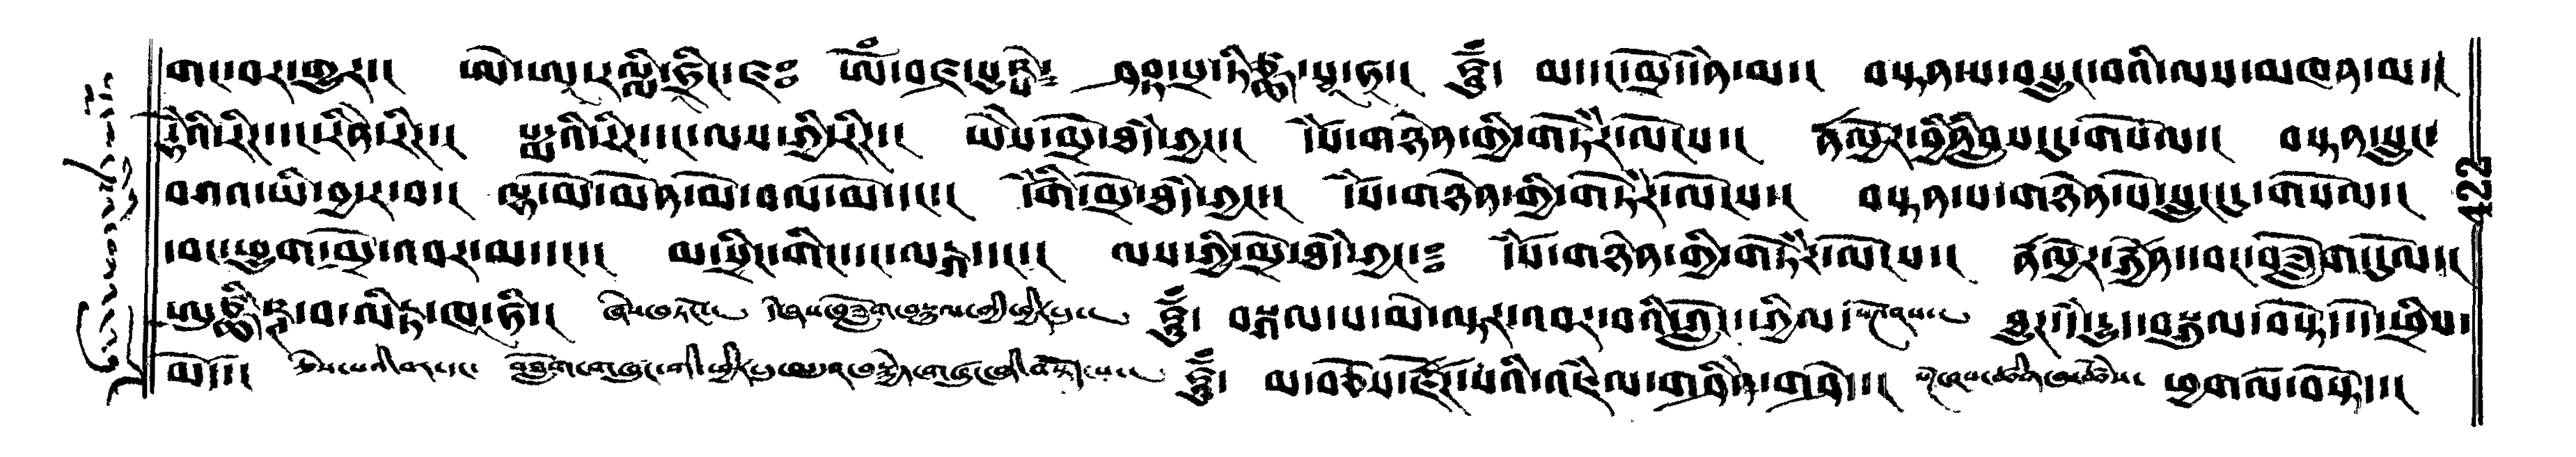གང་བར་གྱུར། ཨེ་ཨཱ་རལླི་ཧྲཱིང་ཛཿ ཨོཾ་བཛྲ་པུཥྤེ༴ ཤབྟ་པྲ་ཏིཙྪ་སྭ་ཧཱ། ཧཱུྃ། མ་དང་མཁའ་འགྲོ་དམ་ཅན་མ། །བསྟན་པ་སྲུང་བའི་ལས་མཁན་མ། །
རྡོ་རྗེའི་རིགས་དང་རིན་ཆེན་རིགས། །པདྨའི་རིགས་དང་ལས་ཀྱི་རིགས། །ཡེ་ཤེས་མཁའ་འགྲོ་ཐམས་ཅད་ཀྱང་། །དམ་རྫས་གཉེན་གྱི་གཏོར་མ་ལོངས། །རྣལ་འབྱོར་བྱིན་གྱིས་རློབ་ཏུ་གསོལ། །བསྟན་སྲུང་
བཀའ་ཡི་བྱ་ར་བ། །ལྷ་མོ་མོན་མོ་བལ་མོ་དང་། །དམ་ཚིག་མཁའ་འགྲོ་ཐམས་ཅད་ཀྱང་། །དམ་རྫས་གཉེན་གྱི་གཏོར་མ་ལོངས། །བསྟན་པ་གཉེན་པོ་སྲུང་དུ་གསོལ། །
དབང་ཕྱུག་མཁའ་འགྲོ་འབར་མ་དང་། །མ་སྲིང་གིང་དང་ལངྐ་དང་། །ལས་ཀྱི་མཁའ་འགྲོ་ཐམས་ཅད་ཀྱང་། །དམ་རྫས་གཉེན་གྱི་གཏོར་མ་ལོངས། །རྣལ་འབྱོར་རྐྱེན་དབང་ཟློག་དུ་གསོལ། །
ཨུཙྪིཥྚ་བ་ལིངྟ་ཁཱ་ཧི།ཞེས་གཏང་ངོ་། །དེ་ནས་ཟློག་སྐུལ་གྱི་ཕྱིར་དུ། ཧཱུྃ། བསྐལ་པ་མེ་ལྟར་འབར་བའི་ཀློང་དཀྱིལ་སོགས་ནས་ཐུགས་དམ་རྒྱུད་སྐུལ་བསྟོད་དོ་ཕྲིན་
ལས་མཛོད། ། ཅེས་པའི་བར་དང་། ཟློག་གཞུང་གི་ཕྱིར་དུ་མདུན་སྐྱེད་གཞུང་གི་བསྟོད་པ། ཧཱུྃ། མ་བཅོས་རྫོགས་པའི་འཇམ་དཔལ་གཤིན་རྗེ་གཤེད། །སོགས་ནས་ཚིག་མཚམས། ཕྱག་འཚལ་བསྟོད།